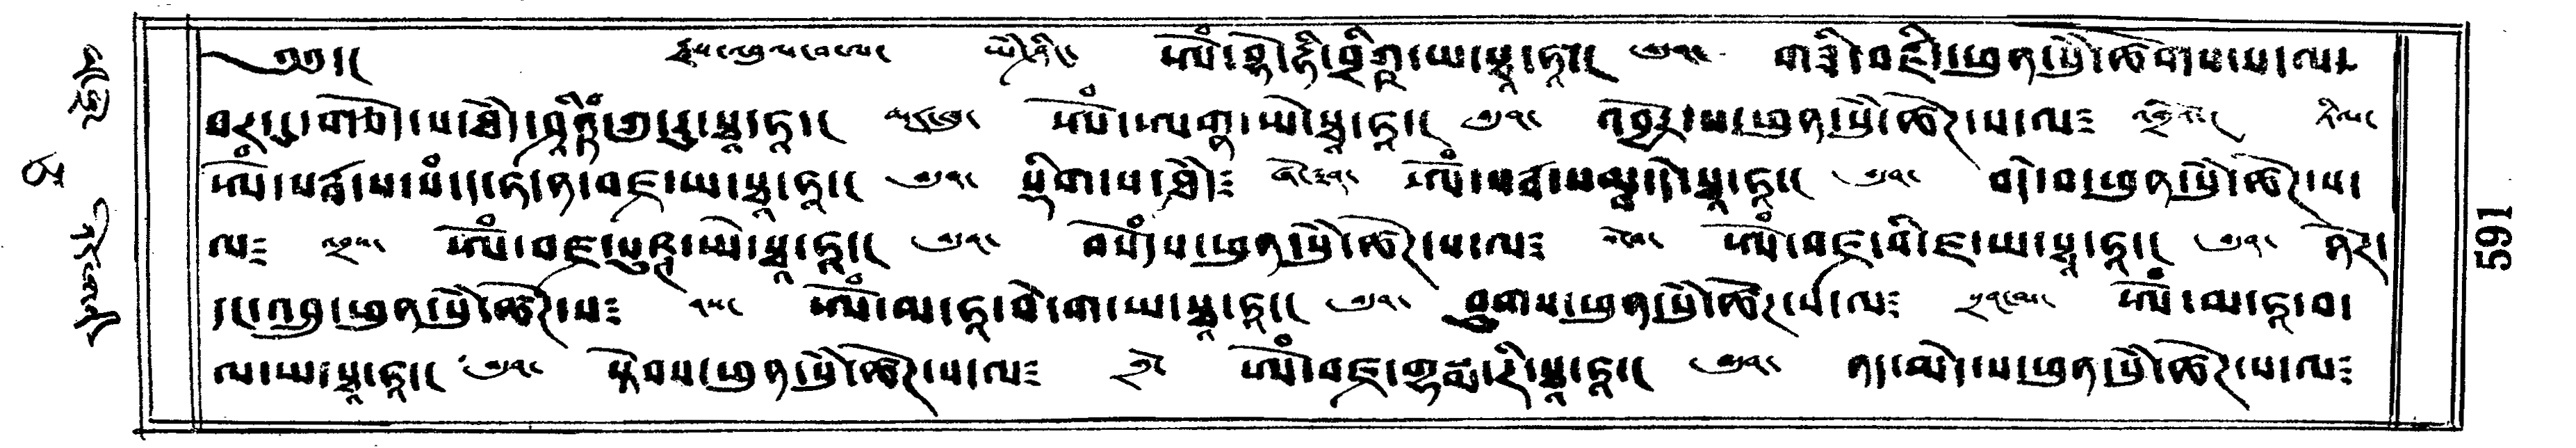རྫས་འབུལ་བ་ལ། ཡམ་ཤིང་། ཨོཾ་བྷོདྷི་བྲིཀྵ་ཡ་སྭ་ཧཱ། བདུན། གཟི་བརྗིད་ཕུན་སུམ་ཚོགས་པ་ལ་
བར་དུ་གཅོད་པ་ཐམས་ཅད་ཤཱནྟིཾ་ཀུ་རུ་སྭ་ཧཱ། མར་ཁུ། ཨོཾ་ཨགྣ་ཡེ་སྭ་ཧཱ། བདུན། འབྱོར་པ་ཕུན་སུམ་ཚོགས་པ་ལ༴ ཏིལ ། 
ཨོཾ་སརྦ་པ་པཾ་ད་ཧ་ན་བཛྲ་ཡ་སྭ་ཧཱ། བདུན། སྡིག་པ་ཐམས་ཅད༴ ཞོ་ཟན། ཨོཾ་སརྦ་སམྦ་དེ་སྭ་ཧཱ། བདུན། བདེ་བ་ཕུན་སུམ་ཚོགས་པ་
ལ༴ འབྲས། ཨོཾ་བཛྲ་པུཥྚ་ཡེ་སྭ་ཧཱ། བདུན། བསོད་ནམས་ཕུན་སུམ་ཚོགས་པ་ལ༴ སོ་བ། ཨོཾ་བཛྲ་བི་ཛ་ཡ་སྭ་ཧཱ། བདུན། ནོར་
དང་འབྲུ་ཕུན་སུམ་ཚོགས་པ༴ ནས། ཨོཾ་མ་ཧཱ་བེ་ག་ཡ་སྭ་ཧཱ།བདུན། ཤུགས་ཕུན་སུམ་ཚོགས་པ་ལ༴ སྲན་མ། ཨོཾ་མ་ཧཱ་བ་
ལ་ཡ་སྭ་ཧཱ། བདུན། སྟོབས་ཕུན་སུམ་ཚོགས་པ་ལ༴ གྲོ། ཨོཾ་བཛྲ་གྷསྨ་རི་སྭ་ཧཱ། བདུན། ནད་མེད་པ་ཕུན་སུམ་ཚོགས་པ་ལ༴